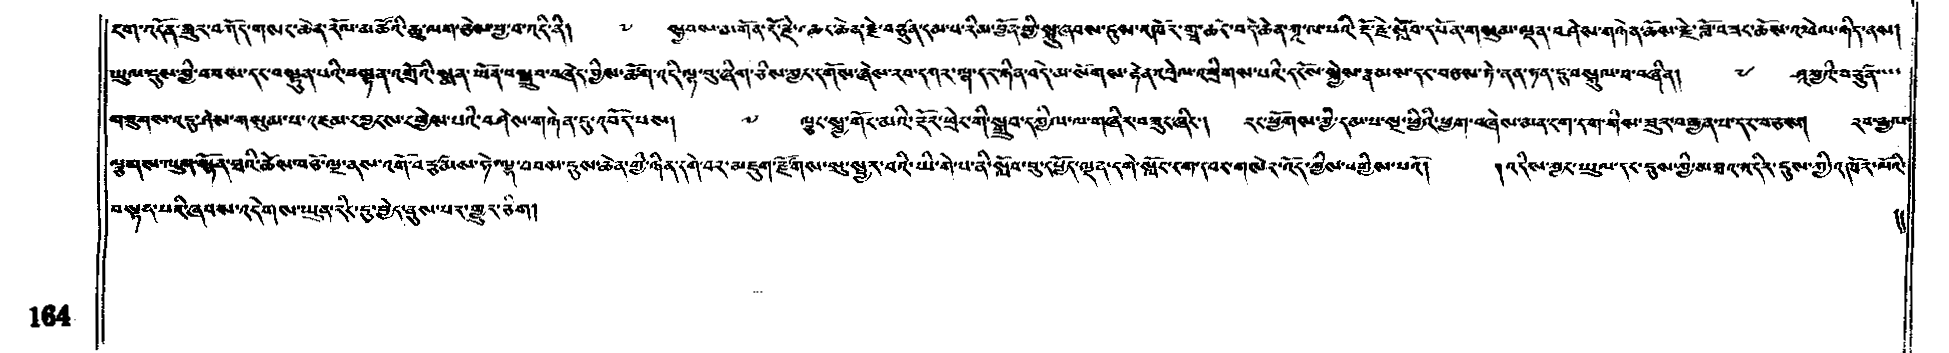ངག་འདོན་ཟུར་བཀོད་གསང་ཆེན་རོལ་མཚོའི་ཆུ་ལག་ཅེས་བྱ་བ་འདི་ནི། ༧་སྐྱབས་མགོན་རྡོ་རྗེ་ཆང་ཆེན་རྗེ་བཙུན་དམ་པ་རིམ་བྱོན་གྱི་སྐུ་ཞབས་དུས་འཁོར་གྲྭ་ཚང་བདེ་ཆེན་ཀཱ་ལ་པའི་རྡོ་རྗེ་སློབ་དཔོན་གསུམ་ལྡན་བཤེས་གཉེན་ཆོས་རྗེ་བློ་བཟང་ཆོས་འཕེལ་ཉིད་ནས།
ཡུལ་དུས་ཀྱི་བབས་དང་བསྟུན་པའི་བསྟན་འགྲོའི་སྨན་ཡོན་བསྒྲུབ་བཞེད་ཀྱིས་ཆོ་ག་འདི་ལྟ་བུ་ཞིག་ཅིས་ཀྱང་དགོས་ཞེས་རབ་དཀར་ལྷ་དར་ཉིན་བདེ་མ་སོགས་རྟེན་འབྲེལ་འགྲིགས་པའི་དངོས་སྐྱེས་རྣམས་དང་བཅས་ཏེ་ནན་ཏན་དུ་བསྐུལ་བ་བཞིན། ༧་ཤཱཀྱའི་བཙུན་
གཟུགས་འདུ་ཤེས་གསུམ་པ་འཇམ་དབྱངས་དགྱེས་པའི་བཤེས་གཉེན་དུ་འབོད་པས། ༧་ལྕང་སྐྱ་གོང་མའི་རྡོར་ཕྲེང་གི་སྒྲུབ་དཀྱིལ་ལ་གཞིར་བཟུང་ཞིང་། རང་ཕྱོགས་ཀྱི་དམ་པ་སྔ་ཕྱིའི་ཕྱག་བཞེས་མན་ངག་དག་གིས་ཟུར་བརྒྱན་པ་དང་བཅས། རབ་རྒྱལ་
ལྕགས་ལུག་སྟོན་ཐའི་ཆོས་བཅོ་ལྔ་ནས་འགོ་བརྩམས་ཏེ་ལྷ་བབས་དུས་ཆེན་གྱི་ཉིན་དགེ་བར་མཇུག་རྫོགས་སུ་སྤྱར་བའི་ཡི་གེ་པ་ནི་སློབ་བུ་དཔྱོད་ལྡན་དགེ་སློང་དག་དབང་གསེར་འོད་ཀྱིས་བགྱིས་པའོ། །འདིས་ཀྱང་ཡུལ་དང་དུས་ཀྱི་མཐའ་འདིར་དུས་ཀྱི་འཁོར་ལོའི་
བསྟན་པའི་ཞབས་འདེགས་ཡུན་རིང་དུ་བྱེད་ནུས་པར་གྱུར་ཅིག། །།